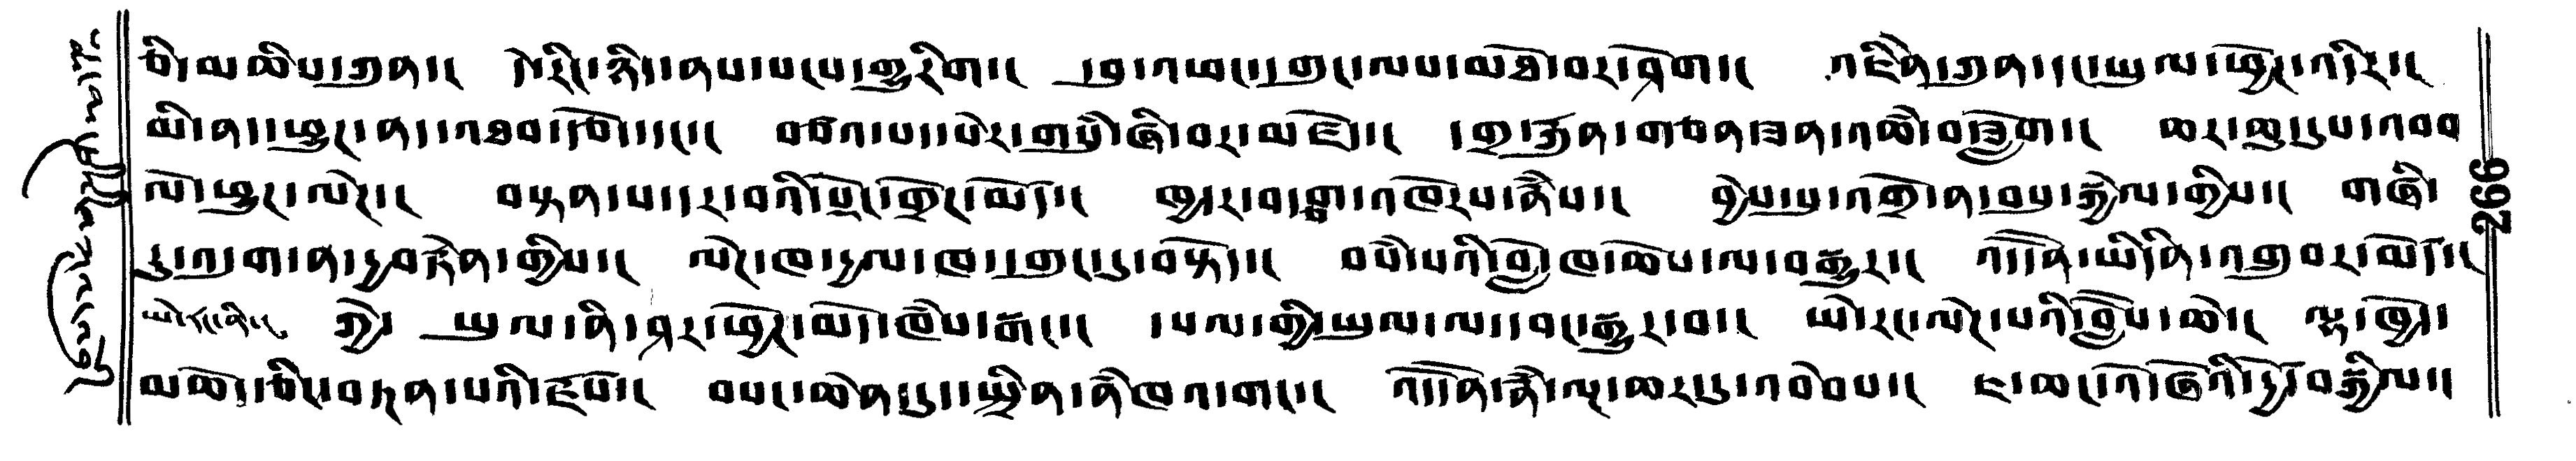ཅི་མཆིས་ཀུན། །དེ་རིང་ཉིད་ནས་སངས་གྱུར་ཅིག དབུ་འཕང་དགུང་ལས་མཐོ་བར་ཤོག འཇིག་རྟེན་ཀུན་དང་ཡུལ་ཕྱོགས་འདིར། །
མི་ནད་ཕྱུགས་ནད་འཐབ་རྩོད་དང་། །བཙའ་སད་སེར་གསུམ་ཞི་བར་མཛོད། །དགྲ་རྐུན་གཅན་ཟན་འཚེ་བ་ཟློག །ཆར་ཆུ་དུས་འབབ་
ལོ་ཕྱུགས་ལེགས། །བསྟན་པ་དར་བའི་སྡོང་གྲོགས་མཛོད། །ཁྱད་པར་བདག་ཅག་འཁོར་བཅས་རྣམས། །བྱེས་སུ་འགྲོ་ན་བསུ་སྐྱེལ་གྱིས། །གཞིས་
སུ་འདུག་ན་རྒྱབ་བརྟེན་གྱིས། །ལེགས་ཁ་རྒྱལ་ཁ་དགུང་དུ་བསྟོད། །བསམ་པའི་བློ་ཁ་ཆོས་ལ་བསྒྱུར། །འདོད་དོན་ཡིད་བཞིན་འགྲུབ་པར་མཛོད། 
ཡེ་རང་ནི། ཀྱཻ། །ཡུལ་ནི་ཤར་ཕྱོགས་མདོ་ཁམས་སྒང་། །དཔལ་གྱི་ཡུལ་ལ་དབང་བསྒྱུར་བ། །ཡེ་རང་ལེགས་པའི་བློ་གྲོས་ཆེ། །ལྷ་ཁྱོད་
མཆོད་ཅིང་བརྔན་པའི་རྫས། །བསང་ཆེན་དུད་སྤྲིན་ནམ་མཁའ་གང་། །འདོད་ཡོན་རྣམ་ལྔ་ཆར་དུ་འབེབས། །ཇ་ཆང་འོ་ཞོའི་རྒྱ་མཚོ་བསྐྱིལ།